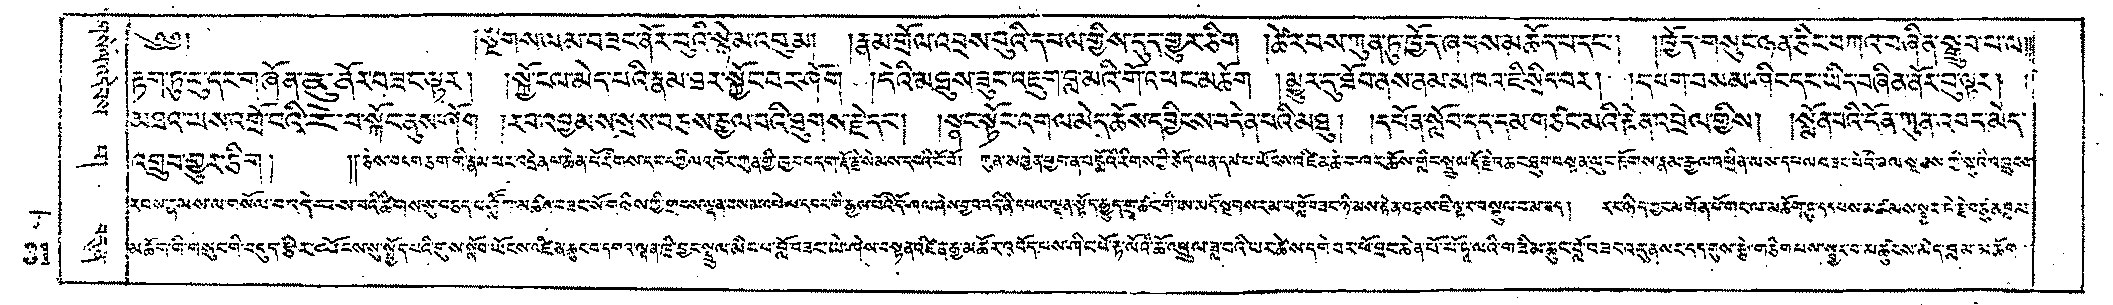༄༅། །སྔགས་ལམ་བཟང་ནོར་བུའི་སྙེ་མ་འབུམ། །རྣམ་གྲོལ་འབྲས་བུའི་དཔལ་གྱིས་དུད་གྱུར་ཅིག །ཚེ་རབས་ཀུན་ཏུ་ཁྱོད་ཞབས་མཆོད་པ་དང་། །ཁྱོད་གསུང་ཉན་ཅིང་བཀའ་བཞིན་སྒྲུབ་པ་ལ།།
རྟག་ཏུ་ངུ་དང་གཞོན་ནུ་ནོར་བཟང་ལྟར། །སྐྱོ་ངལ་མེད་པའི་རྣམ་ཐར་སྐྱོང་བར་ཤོག །དེའི་མཐུས་ཟུང་འཇུག་བླ་མའི་གོ་འཕང་མཆོག །མྱུར་དུ་ཐོབ་ནས་ནམ་མཁའ་ཇི་སྲིད་བར། །དཔག་བསམ་ཤིང་དང་ཡིད་བཞིན་ནོར་བུ་ལྟར། །
མཐའ་ཡས་འགྲོ་བའི་རེ་བ་སྐོང་ནུས་ཤོག །རབ་འབྱམས་སྲས་བཅས་རྒྱལ་བའི་ཐུགས་རྗེ་དང་། །སྣང་སྟོང་འགལ་མེད་ཆོས་དབྱིངས་བདེན་པའི་མཐུ། །དཔོན་སློབ་དད་དམ་གཙང་མའི་རྟེན་འབྲེལ་གྱིས། །སྨོན་པའི་དོན་ཀུན་འབད་མེད་
འགྲུབ་གྱུར་ཅིག། །།ཅེས་བདག་ཅག་གི་རྣམ་པར་འདྲེན་པ་ཆེན་པོ་རིགས་དང་དཀྱིལ་འཁོར་ཀུན་གྱི་ཁྱབ་བདག་རྡོ་རྗེ་སེམས་དཔའི་ངོ་བོ། ཀུན་མཁྱེན་ཕྱག་ན་པདམོའི་རིགས་ཀྱི་ཅོད་པན་དམ་པ་ཡོངས་འཛིན་ཆེ་བ་ཤར་ཆོས་གླིང་སྤྲུལ་རྡོ་རྗེ་འཆང་ཐུབ་བསྟན་ལུང་རྟོགས་རྣམ་རྒྱལ་འཕྲིན་ལས་དཔལ་བཟང་པོའི་ཞལ་སྔ་ནས་ཀྱི་སྐུའི་འཁྲུངས་
རབས་རྣམས་ལ་གསོལ་བ་འདེབས་པའི་ཚིགས་སུ་བཅད་པ་ཤླཽ་ཀ་མཚན་བཟང་སོ་གཉིས་ཀྱི་གྲངས་ལྡན་བསམ་འཕེལ་དབང་གི་རྒྱལ་པོའི་དོ་ཤལ་ཞེས་བྱ་བ་འདི་ནི་དཔལ་ལྡན་སྟོད་རྒྱུད་གྲྭ་ཚང་གི་ཨ་མདོ་སྔགས་རམ་པ་བློ་བཟང་ཉི་མས་རྟེན་བཅས་ཇི་ལྟར་བསྐུལ་བ་མ་ཟད། རང་ཉིད་ཀྱང་མགོན་པོ་གང་ལ་མཆོག་ཏུ་དད་པས་མཚམས་སྦྱར་ཏེ་རྗེ་བཙུན་བླ་མ་
མཆོག་གི་གསུང་གི་བདུད་རྩིར་ལོངས་སུ་སྤྱོད་པའི་གུས་སློབ་ཡོངས་འཛིན་ཆུང་བ་དགའ་ལྡན་ཁྲི་བྱང་སྤྲུལ་མིང་པ་བློ་བཟང་ཡེ་ཤེས་བསྟན་འཛིན་རྒྱ་མཚོར་འབོད་པས་ཤིང་ཕོ་རྟ་ལོའི་ཆོ་འཕྲུལ་ཟླ་བའི་ཡར་ཚེས་དགེ་བར་ཕོ་བྲང་ཆེན་པོ་པོ་ཏཱ་ལའི་གཟིམ་ཆུང་བློ་བཟང་འདུན་སར་དད་གུས་རྩེ་གཅིག་པས་སྦྱར་བ་མཚུངས་མེད་བླ་མ་མཆོག་་་